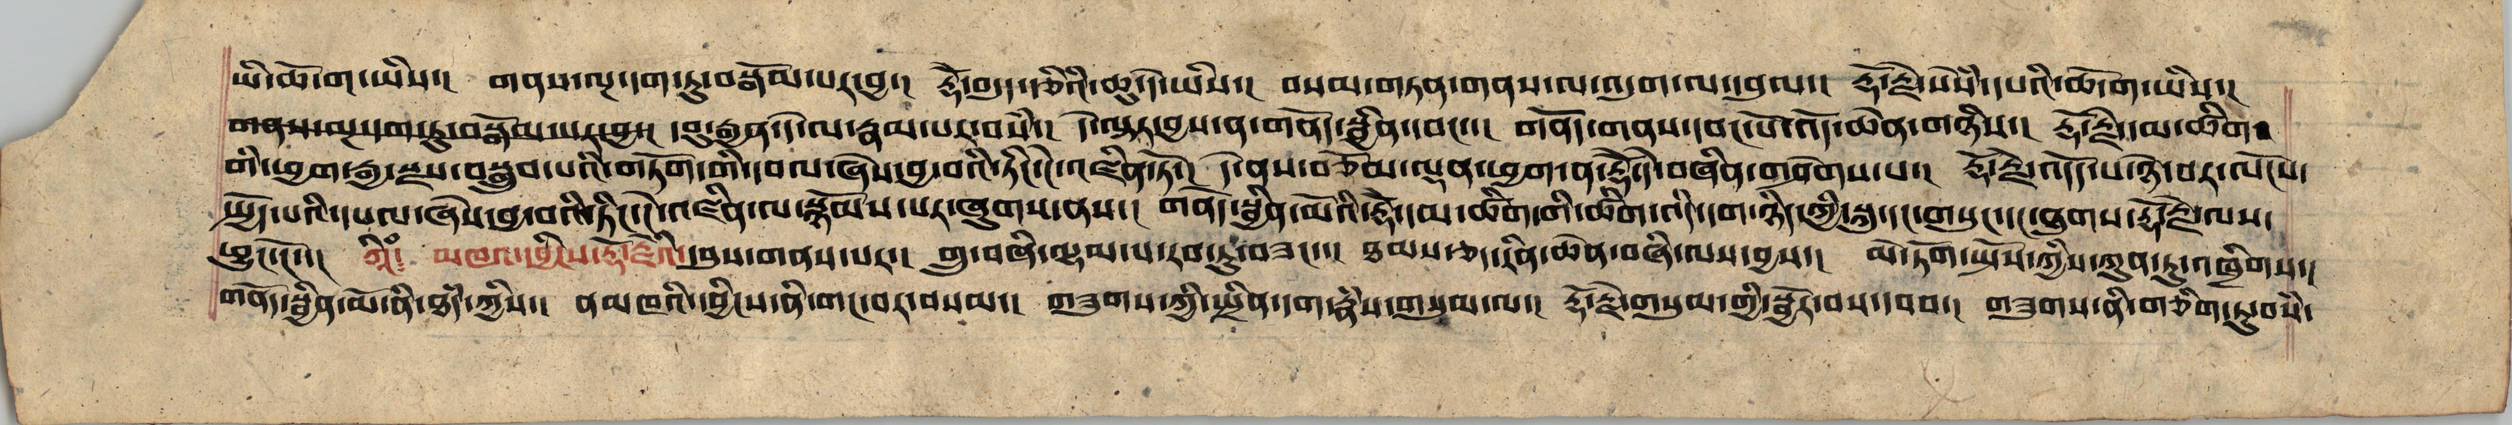ཡི་ཆོ་ག་ཡིས་། གནས་ལྔ་དག་ཏུ་བསྒོམ་པར་བྱ་། རྡོེ་བདུད་རྩིའི་ཆུ་དེ་ཡིས་། བསམ་གཏན་གནས་ལ་འདུག་ལ་དབུལ་། རྡོ་རྗེ་སེཾས་དཔའི་ཆོ་ག་ཡིས་།
གནས་ལྔ་དག་ཏུ་བསྒོམ་པར་བྱ་། དབུ་རྒྱན་དེ་ལ་རྣམ་པར་བསཾ་། དེ་ལྟར་བྱས་ན་གནོད་སྦྱིན་དབང་་། གནདོ་གནས་དབང་པོ་འོད་ཆེན་གཉིས་། རྡོ་རྗེ་དམ་ཚིག་
གི་ཕྱག་རྒྱ་སྫས་བསྒྲུབ་པའི་གཏོག་གི་དབལ་ཞེས་བྱ་བའི་ཏིང་ངེ་འཛིན་ཏོ་། དེ་ནས་བཅོམ་ལྡན་ཕྱག་ན་རྡོེ་དེ་བཞིན་གཤེགས་པ་། རྡོ་རྗེ་འདོད་པ་ཉེ་བར་ལོངས་
སྤྱོད་པའི་དཔལ་ཞེས་བྱ་བའི་ཏིང་ངེ་འཛིན་ལ་སྙོམས་པར་ཞུགས་ནས་། གནོད་སྦྱིན་མོའི་རྡོེ་དམ་ཚིག་གི་འདི་དག་ཉིད་ཀྱི་སྐུ་དང་གསུང་དང་ཐུགས་རྡོ་རྗེ་ལས་
ཕྱུང་ངོ་་། ཀཱིཾ༴ མཁའ་དབྱིངས་རྡོ་རྗེའི་དབུས་གནས་པར་། གྲུ་བཞི་ལྷམ་པ་རབ་ཏུ་བཟང་་། ཐམས་ཅད་རིན་ཆེན་བཞི་ལས་བྱས་། མེ་ཏོག་སྤོས་ཀྱིས་ཀུན་ཏུ་འཁྲིགས་།
གནོད་སྦྱིན་མོ་ནི་ཐདཾ་ཀྱིས་། ནམཁའི་དབྱིངས་ནི་གང་བར་བསམ་། གཟུགས་ཀྱི་སྤྲིན་དག་རྣཾས་གསུམ་ལ་། རྡོ་རྗེ་གསུམ་གྱི་སྦྱོར་བས་དབབ་། གཟུགས་ནི་གཅིག་ཏུ་བསཾ་